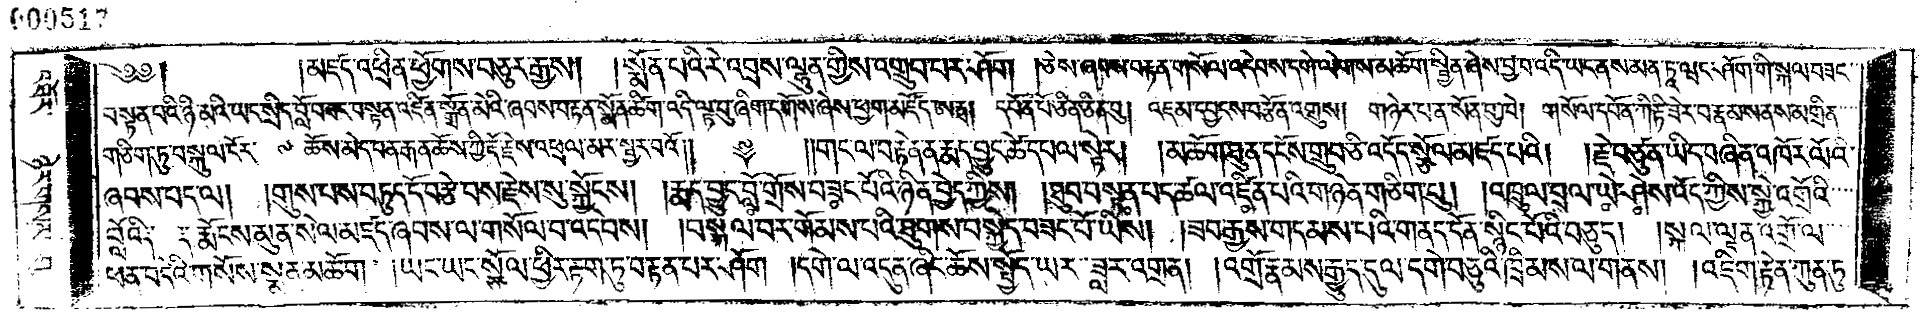༄༅། །མཛད་འཕྲིན་ཕྱོགས་བཅུར་རྒྱས། །སྨོན་པའི་རེ་འབྲས་ལྷུན་གྱིས་འགྲུབ་པར་ཤོག །ཅེས་ཞབས་བརྟན་གསོལ་འདེབས་དགེ་ལེགས་མཆོག་སྦྱིན་ཞེས་བྱ་བ་འདི་ཡང་ནས་མན་ཏཱ་ཝང་ཤོག་གི་སྐལ་བཟང་
བསྟན་པའི་ཉི་མའི་ཡང་སྲིད་བློ་བཟང་བསྟན་འཛིན་སྒྲོན་མེའི་ཞབས་བརྟན་སྨོན་ཚིག་འདི་ལྟ་བུ་ཞིག་དགོས་ཞེས་ཕྱག་མཛོད་ཨརྠ། དཔོན་པོ་ཅིན་ཅིན་བུ། འཇམ་དབྱངས་བརྩོན་འགྲུས། གཉེར་པ་ན་སོན་བུ་ཁེ། གསོལ་དཔོན་ཀིརྟི་ཟེར་བ་རྣམས་ནས་མགྲིན་
གཅིག་ཏུ་བསྐུལ་ངོར་༧་ཆོས་མེད་བན་རྒན་ཆོས་ཀྱི་རྡོ་རྗེས་འཕྲལ་མར་སྦྱར་བའོ།། ༈ །།གང་ལ་བརྟེན་ན་རྨད་བྱུང་ཚེ་དཔལ་སྟེར། །མཆོག་ཐུན་དངོས་གྲུབ་ཅི་འདོད་སྩོལ་མཛད་པའི། །རྗེ་བཙུན་ཡིད་བཞིན་འཁོར་ལོའི་
ཞབས་པད་ལ། །གུས་པས་བཏུད་དོ་བརྩེ་བས་རྗེས་སུ་སྐྱོངས། །རྨད་བྱུང་བློ྾་གྲོས་བཟང྾་པོའི་ཉིན་བྱེད་ཀྱིས། །ཐུབ་བསྟན྾་པད་ཚལ་འཛིན྾་པའི་གཉེན་གཅིག་པུ། །འཁྲུལ་བྲལ་ཡེ྾་ཤེས྾་འོད་ཀྱིས་སྐྱེ་འགྲོའི་
བློའི༑ ༑རྨོངས་མུན་སེལ་མཛད་ཞབས་ལ་གསོལ་བ་འདེབས། །བསྐལ་བར་གོམས་པའི་ཐུགས་བསྐྱེད་བཟང་པོ་ཡིས། །ཟབ་རྒྱས་གདམས་པའི་གནད་དོན་སྙིང་པོའི་བཅུད། །སྐལ་ལྡན་འགྲོ་ལ་
ཕན་བདེའི་གསོས་སྨན་མཆོག །ཡང་ཡང་སྩོལ་ཕྱིར་རྟག་ཏུ་བརྟན་པར་ཤོག །དགེ་ལ་འདུན་ཞིང་ཆོས་སྤྱོད་ཡར་ཟླར་འགྲན། །འགྲོ་རྣམས་རྒྱུད་དུལ་དགེ་བཅུའི་ཁྲིམས་ལ་གནས། །འཇིག་རྟེན་ཀུན་ཏུ་